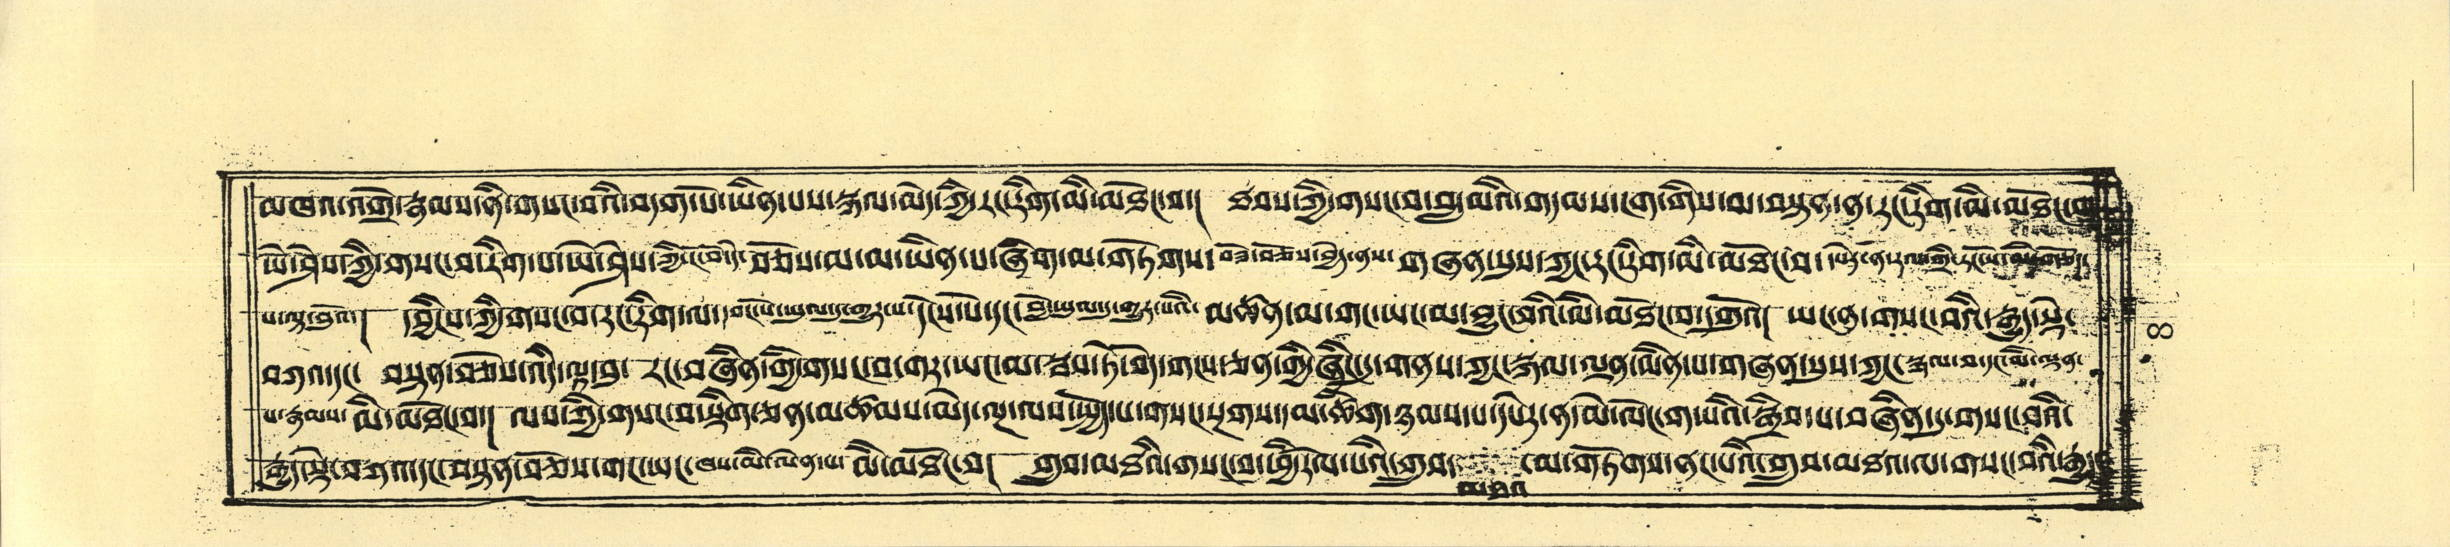མཁའ་འགྲོ་རྣམས་ནི་གསང་བའི་བདག་པོ་ཡིན་པས་སྐལ་མེད་ཀྱི་རང་རིག་མི་མཐོང་བ། ཐབས་ཀྱི་གསང་བ་བླ་མའི་གདམས་ངག་གིས་མ་བསྟན་ན་རང་རིག་མི་མཐོང་བ། 
ཡེ་ཤེས་ཀྱི་གསང་བ་རིག་པའི་ཡེ་ཤེས་ཀྱི་ངོ་བོ་དེ་བཅོས་མ་མ་ཡིན་པ་ཞིག་མ་གཏོགས་བཟོ་བཅོས་བྱེད་ནས་གཞན་སུས་ཀྱང་རང་རིག་མི་མཐོང་བ་དཔེར་ན་རལ་གྲི་རང་སོས་མི་གཅོད་
པ་ལྟ་བུའོ། དབྱིངས་ཀྱི་གསང་བ་རིག་ལ་དབང་པོ་ཡུལ་དུ་གྱུར་པ་དངོས་པོ་དང་༼བློ་ཡུལ་དུ་གྱུར་པའི༽མཚན་མ་གང་ཡང་མ་བྱུང་བའི་མི་མཐོང་བ་དགུའོ། ཡང་ན་གསང་བའི་རྒྱུད་དེ་
བཀའ་དང་། བསྟན་བཅོས་འདི་ལྟ་བུ། རང་བཞིན་གྱི་གསང་བ་གར་ཡང་མ་སྦས་ཏེ་བོད་གངས་ཅན་གྱི་ཞིང་དུ་གནས་ཀྱང་སྐལ་ལྡན་ཡིན་པ་གཞན་སུས་ཀྱང་ སྐལ་པ་དང་མི་ལྡན་
པ་རྣམས་མི་མཐོང་བ། ལས་ཀྱི་གསང་བ་སྡིག་ཅན་མཚམས་མེད་ལྔ་ལས་སྤྱོད་པ་གསང་སྔགས་དམ་ཚིག་ཉམས་པ་དཔེར་ན་མེ་ལོང་གཡའ་ཡིས་སྒྲིབ་པ་བཞིན་དུ་གསང་བའི་
རྒྱུད་རྒྱུད་སྡེ་བཀའ་དང་བསྟན་བཅོས་གང་ཡང་༼ཁས་མི་ལེན་པ༽མི་མཐོང་བ། གྲུབ་མཐའི་གསང་བ་ཕྱི་རོལ་པའི་གྲུབ་མཐའ་མ་གཏོགས་ནང་པའི་གྲུབ་མཐའ་ལ་གསང་བའི་རྒྱུད་